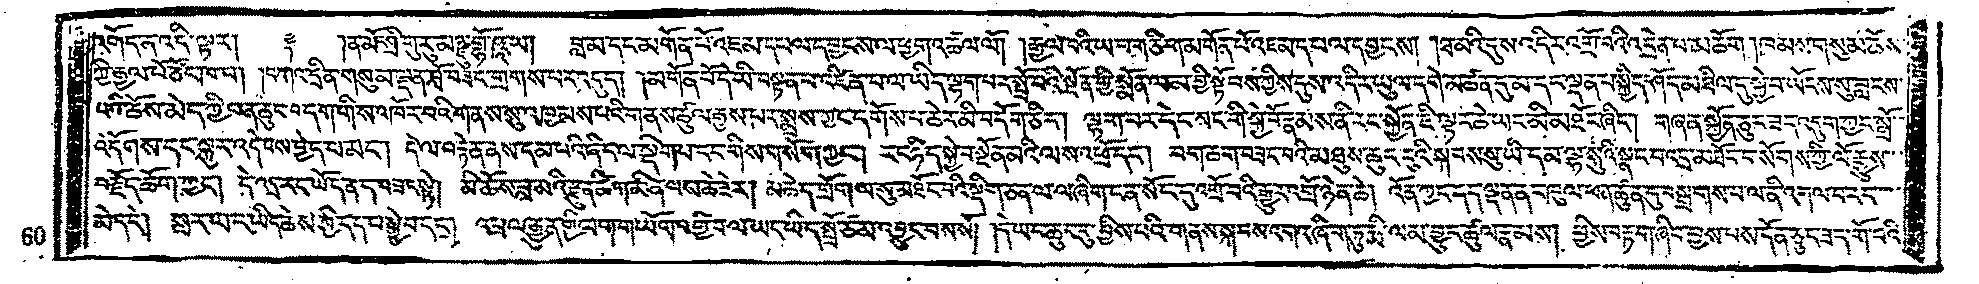འགོད་ན་འདི་ལྟར། ༈ །ན་མོ་ཤྲི་གུ་རུ་མཉྫུ་གྷོ་ཥཱ་ཡ། བླ་མ་དང་མགོན་པོ་འཇམ་དཔལ་དབྱངས་ལ་ཕྱག་འཚལ་ལོ། །རྒྱལ་བའི་ཡབ་གཅིག་མགོན་པོ་འཇམ་དཔལ་དབྱངས། །ཐ་མའི་དུས་འདིར་འགྲོ་བའི་འདྲེན་པ་མཆོག །ཁམས་གསུམ་ཆོས་
ཀྱི་རྒྱལ་པོ་ཙོང་ཁ་པ། །བཀའ་དྲིན་གསུམ་ལྡན་བློ་བཟང་གྲགས་པར་འདུད། །མགོན་པོ་དེ་ཡི་བསྟན་པ་འཛིན་པ་ལ་ཡིད་ལྟག་པར་སྤྲོ་བའི་སྔོན་གྱི་སྨོན་ལམ་གྱི་སྟོབས་ཀྱིས་དུས་འདིར་ཡུལ་དགེ་མཚན་དུ་མ་དང་ལྡན་པ་སྐྱིད་ཤོད་མཐིལ་དུ་སྐྱེ་བ་ཡོངས་སུ་བླངས་
པའི་ཆོས་མེད་ཀྱི་བན་ཆུང་བདག་གིས་འཁོར་བའི་གནས་སུ་འཁྱམས་པའི་གནས་ཚུལ་རྒྱས་པར་སྨྲས་ཀྱང་དགོས་པ་ཆེར་མི་བདོག་ཅིང་། ལྷག་པར་དེང་སང་གི་སྐྱེ་བོ་རྣམས་ནི་རང་སྐྱོན་ཇི་ལྟར་ཆེ་ཡང་མི་མཐོང་ཞིང་། གཞན་སྐྱོན་ཅུང་ཟད་འདུག་ཀྱང་སྒྲོ་
འདོགས་དང་སྐུར་འདེབས་བྱེད་པ་མང་། དེ་ལ་བརྟེན་ནས་དམ་པའི་ཞིང་ལ་སྡིག་པ་དང་གིས་གསོག་ཀྱང་། རང་ཉིད་སྐྱེ་བ་སྔོན་མའི་ལས་འཕྲོ་དང་། བག་ཆག་བཟང་བའི་མཐུས་ཆུང་ངུའི་སྐབས་སུ་ཡི་དམ་ལྷ་སྐུའི་སྣང་བ་འདྲ་མཐོང་བ་སོགས་ཀྱི་ལོ་རྒྱུས་
བརྗོད་ཆོག་ཀྱང་། དེ་འདྲ་རང་ཡོད་ན་ད་བཟང་སྟེ། མི་ཆོས་བླ་མའི་རྫུན་ཚིག་མིན་ལས་ཆེ་ཟེར། མཆེད་གྲོགས་སུ་མཐོང་བའི་སྡིག་ཅན་ལ་ལ་ཞིག་ངན་སོང་དུ་འགྲོ་བའི་རྒྱུར་འགྲོ་ཉེན་ཆེ། འོན་ཀྱང་དད་ལྡན་ནང་ཁུལ་ཕན་ཚུན་དུ་བསྒྲགས་པ་ལ་ནི་འགལ་བ་རང་
མེད་དེ། སླར་ཡང་ཡིད་ཆེས་ཀྱི་དད་པ་སྐྱེ་བ་དང་། འཕྲལ་རྒྱུན་གྱི་ལག་གཡོག་བགྱི་བ་ལ་ཡང་ཡིད་སྤྲོ་ཙམ་འབྱུང་བས་སོ། །དེ་ཡང་ཆུང་དུ་བྱིས་པའི་གནས་སྐབས་འགའ་ཞིག་ཏུ་རྨི་ལམ་བྱུང་ཚུལ་རྣམས། ཕྱིས་བརྟག་ཞིབ་བྱས་པས་དོན་ཅུང་ཟད་གོ་བའི་